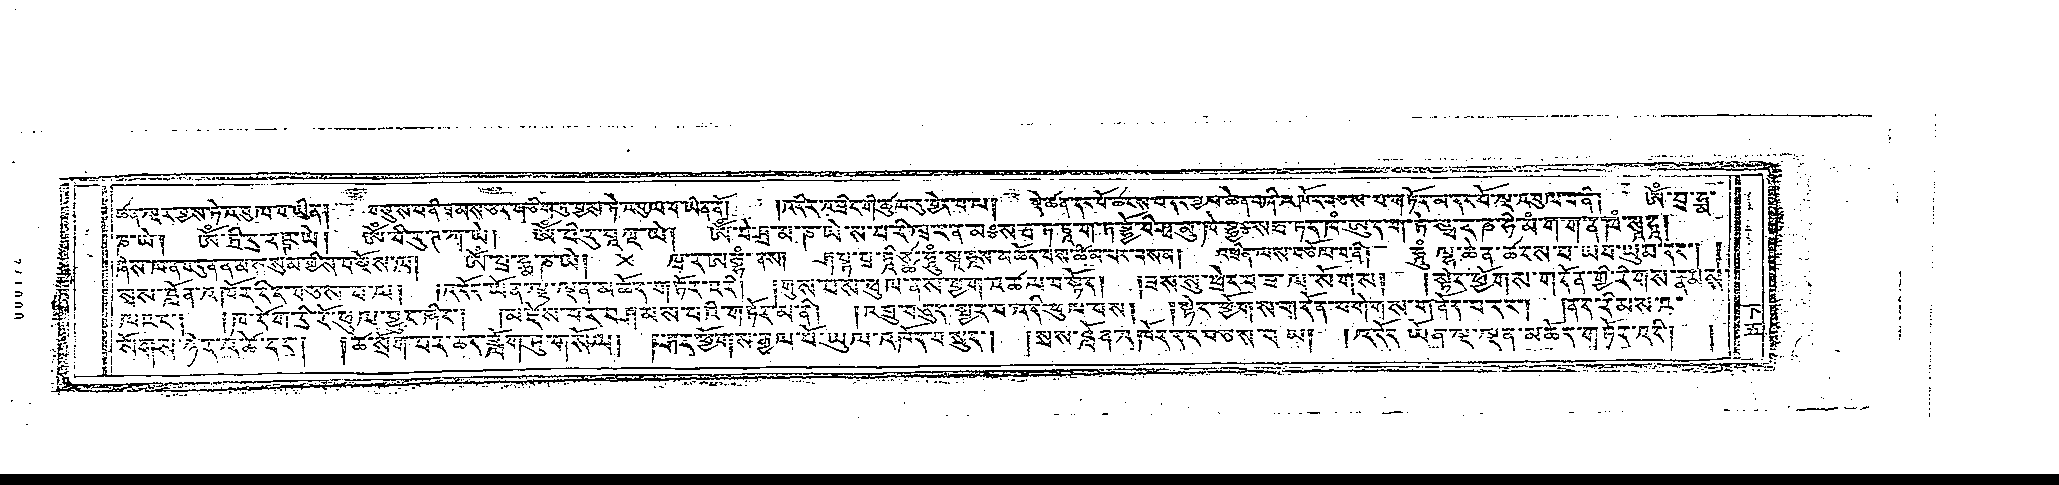ཚན་ལྡན་བྱས་ཏེ་འབུལ་བ་ཡིན། བསྡུས་པ་ནི་ཐམས་ཅད་གཅིག་ཏུ་བྱས་ཏེ་འབུལ་བ་ཡིན་ནོ། །འདིར་འབྲིང་གི་ཚུལ་དུ་བྱེད་པ་ལ། སྡེ་ཚན་དང་པོ་ཚངས་པ་དང་རྒྱལ་ཆེན་བཞི་འཁོར་བཅས་ལ་གཏོར་མ་དང་པོ་ལྔ་འབུལ་བ་ནི། ཨོཾ་པྲ་ཧྨ་
ཎ་ཡེ། ཨོཾ་ཏྲི་དྷ་རཥྚ་ཡེ། ཨོཾ་བི་རུ་ཎ་ཀ་ཡེ། ཨོཾ་པི་རུ་པཱ་ཀྵ་ཡེ། ཨོཾ་བཻ་ཤྲ་མ་ཎ་ཡེས་པ་རི་ཝ་ར་ན་མཿ་སརྦ་ཏ་ཐཱ་ག་ཏ་བྷྱོ་བི་ཤྭ་མུ་ཁེ་བྷྱཿ་སརྦ་ཏ་ད་ཁཾ་ཨུང་ག་ཏེ་སྥ་ར་ཎ་ཧི་མཾ་ག་ག་ན་ཁཾ་སྭཱ་ཧཱ། །
ཉེས་ལན་བདུན་ནམ་གསུམ་ཀྱིས་བསྡོས་ལ། །ཨོཾ་པྲ་ཧྨ་ཎ་ཡེ། ཝར་ཨགྷཾ་ནས། །ཤཔྟ་པྲ་ཏཱི་ཙྪ་ཧཱུཾ་སྭཱ་ཧཱ་མཆོད་པས་ཚིམ་པར་བསམ། འཕྲིན་ལས་བཅོལ་བ་ནི། ཧཱུཾ་ལྷ་ཆེན་ཚངས་པ་ཡབ་ཡུམ་དང་། །
སྲས་བློན་འཁོར་དང་བཅས་པ་ལ། །འདོད་ཡོན་ལྔ་ལྡན་མཆོད་གཏོར་འདི། །གུས་པས་ཕུལ་ནས་ཕྱག་འཚལ་བསྟོད། །ཟས་སུ་ཕྲེང་བ་ཟ་ལ་སོགས། །སྟེང་ཕྱོགས་གདོན་གྱི་རིགས་རྣམས་
ལའང་། །ཁ་དོག་དྲི་རོ་ཕུལ་བྱུང་ཞིང་། །མཛེས་པར་བཤམས་པའི་གཏོར་མ་ནི། འབྲུ་བཅུད་སྦྱར་བ་འདིས་ཕུལ་བས། །སྟེང་ཕྱོགས་གདོན་བགེགས་གནོད་པ་དང་། །ནང་རིམས་ལ་
སོགས་ཉེར་འཚེ་དང་། །ཚེ་སྲོག་བར་ཆད་ཟློག་ཏུ་གསོལ། །ཤར་ཕྱོགས་རྒྱལ་པོ་ཡུལ་འཁོར་བསྲུང་། །སྲས་བློན་འཁོར་དང་བཅས་པ་ལ། །འདོད་ཡོན་ལྔ་ལྡན་མཆོད་གཏོར་འདི། །